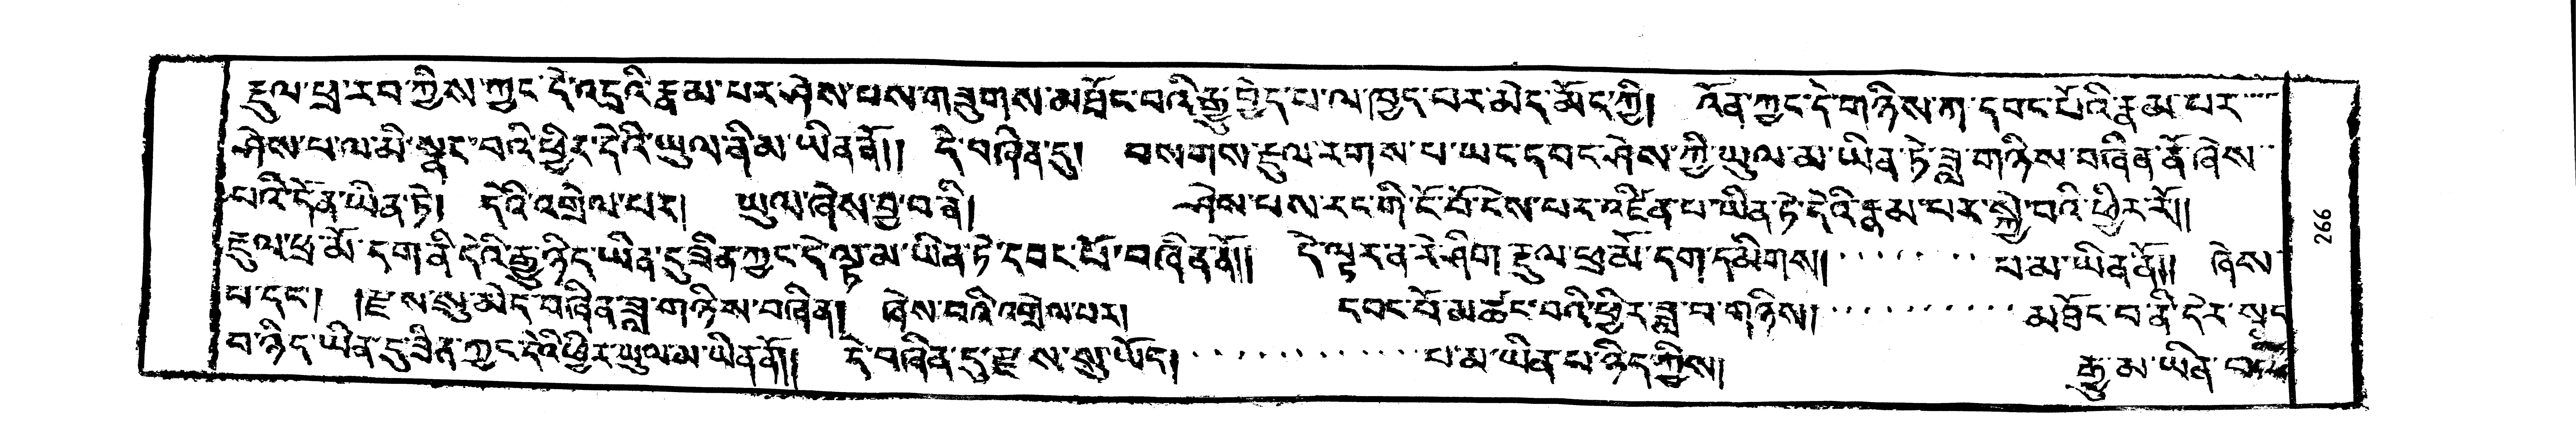རྡུལ་ཕྲ་རབ་ཀྱིས་ཀྱང་དེ་འདྲའི་རྣམ་པར་ཤེས་པས་གཟུགས་མཐོང་བའི་རྒྱུ་བྱེད་པ་ལ་ཁྱད་པར་མེད་མོད་ཀྱི། འོན་ཀྱང་དེ་གཉིས་ཀ་དབང་པོའི་རྣམ་པར་
ཤེས་པ་ལ་མི་སྣང་བའི་ཕྱིར་དེའི་ཡུལ་ནི་མ་ཡིན་ནོ། །དེ་བཞིན་དུ། བསགས་རྡུལ་རགས་པ་ཡང་དབང་ཤེས་ཀྱི་ཡུལ་མ་ཡིན་ཏེ་ཟླ་གཉིས་བཞིན་ནོ་ཞེས་
པའི་དོན་ཡིན་ཏེ། དེའི་འགྲེལ་བར། ཡུལ་ཞེས་བྱ་བ་ནི། ཤེས་པས་རང་གི་ངོ་བོ་ངེས་པར་འཛིན་པ་ཡིན་ཏེ་དེའི་རྣམ་པར་སྐྱེ་བའི་ཕྱིར་རོ། །
རྲྡུལ་ཕྲ་མོ་དག་ནི་དེའི་རྒྱུ་ཉིད་ཡིན་དུ་ཟིན་ཀྱང་དེ་ལྟ་མ་ཡིན་ཏེ་དབང་པོ་བཞིན་ནོ། །དེ་ལྟར་ན་རེ་ཤིག་རྡུལ་ཕྲ་མོ་དག་དམིགས། པ་མ་ཡིན་ནོ། །ཞེས་
པ་དང་། །རྫས་སུ་མེད་བཞིན་ཟླ་གཉིས་བཞིན། ཞེས་པའི་འགྲེལ་པར། དབང་པོ་མཚང་པའི་ཕྱིར་ཟླ་བ་གཉིས། མཐོང་བ་ནི་དེར་སྣང་
བ་ཉིད་ཡིན་དུ་ཟིན་ཀྱང་དེའི་ཕྱིར་ཡུལ་མ་ཡིན་ནོ། །དེ་བཞིན་དུ་རྫས་སུ་ཡོད། པ་མ་ཡིན་པ་ཉིད་ཀྱིས། རྒྱུ་མ་ཡིན་པའི་